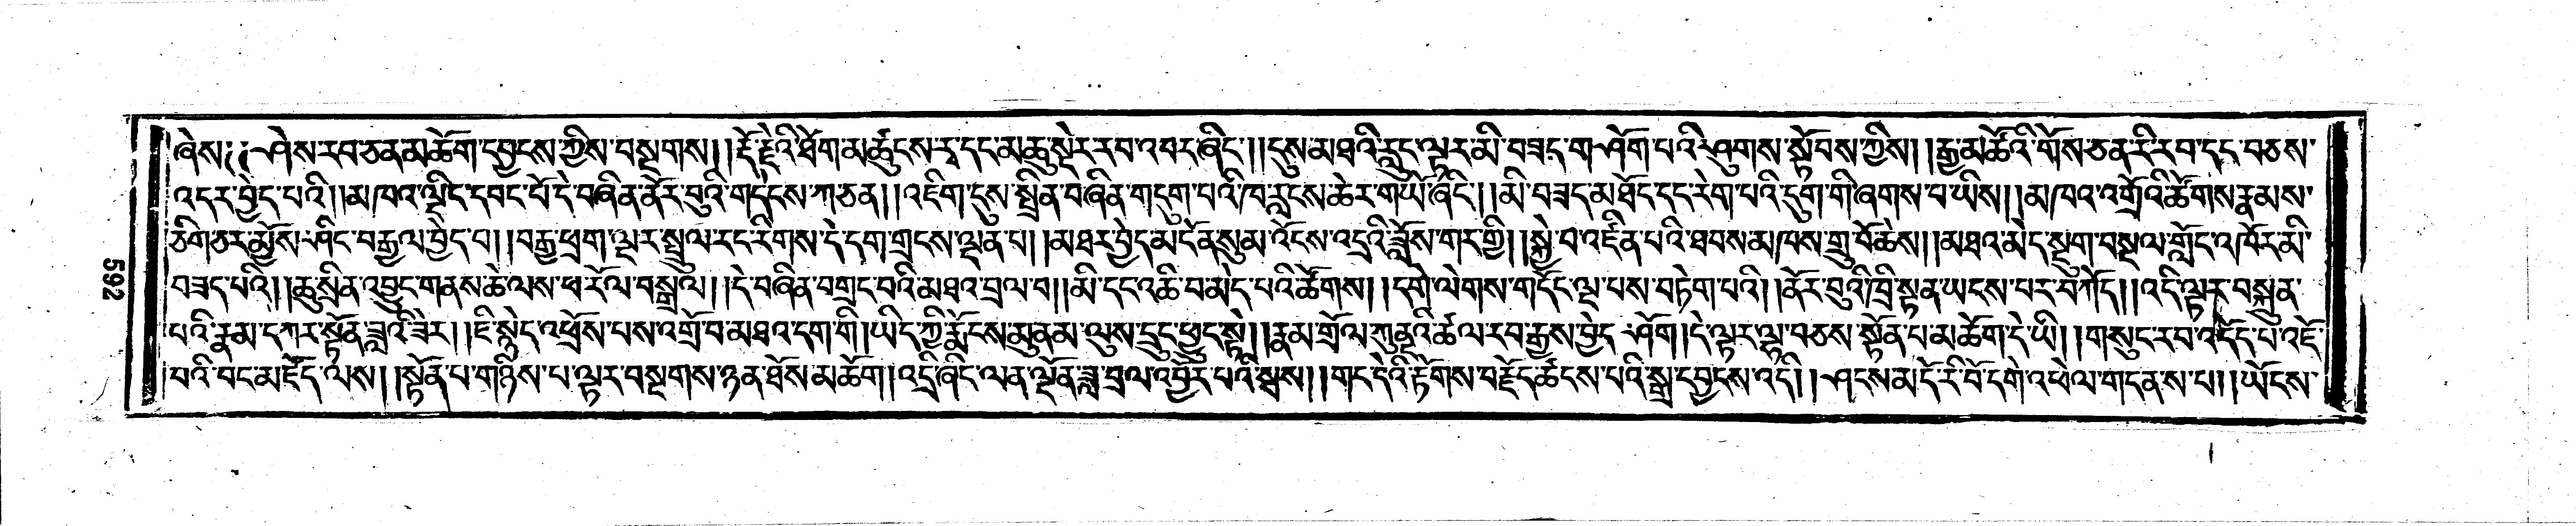ཞེས། །ཤེས་རབ་ཅན་མཆོག་དབྱངས་ཀྱིས་བསྔགས། །རྡོ་རྗེའི་ཐོག་མཚུངས་ར་དང་མཆུ་སྡེར་རབ་འབར་ཞིང་། །དུས་མཐའི་རླུང་ལྟར་མི་བཟད་གཤོག་པའི་ཤུགས་སྟོབས་ཀྱིས། །རྒྱ་མཚོའི་གོས་ཅན་རི་རབ་དང་བཅས་
འདར་བྱེད་པའི། །མཁའ་ལྡིང་དབང་པོ་དེ་བཞིན་ནོར་བུའི་གདེངས་ཀ་ཅན། །འཇིག་དུས་སྤྲིན་བཞིན་གདུག་པའི་ཁ་རླངས་ཆེར་གཡོ་ཞིང་། །མི་བཟད་མཐོང་དང་རེག་པའི་དུག་གི་ཞགས་པ་ཡིས། །མཁའ་འགྲོའི་ཚོགས་རྣམས་
ཅིག་ཅར་མྱོས་ཤིང་བརྒྱལ་བྱེད་པ། །བརྒྱ་ཕྲག་ལྔར་སྤྲུལ་རང་རིགས་དེ་དག་གྲངས་ལྡན་པ། །མཐར་བྱེད་མངོན་སུམ་འོངས་འདྲའི་ཟློས་གར་གྱི། །སྐྱེ་བ་འཛིན་པའི་ཐབས་མཁས་གྲུ་བོ་ཆེས། །མཐའ་མེད་སྡུག་བསྔལ་གློང་འཁོར་མི་
བཟད་པའི། །ཆུ་སྤྲིན་འབྱུང་གནས་ཆེ་ལས་ཕ་རོལ་བསྒྲལ། །དེ་བཞིན་བགྲང་པའི་མཐའ་བྲལ་བ། །མི་དང་འཆི་བ་མེད་པའི་ཚོགས། །དགེ་ལེགས་གདོང་ལྔ་པས་བཏེག་པའི། །ནོར་བུའི་ཁྲི་སྟན་ཡངས་པར་བཀོད། །འདི་ལྟར་བསྐྲུན་
པའི་རྣམ་དཀར་སྟོན་ཟླའི་སྟེང་། །ཇི་སྙེད་འཕྲོས་པས་འགྲོ་བ་མཐའ་དག་གི །ཡིད་ཀྱི་རྨོངས་མུན་མ་ལུས་དྲུང་ཕྱུང་སྟེ། །རྣམ་གྲོལ་ཀུནྡའི་ཚལ་རབ་རྒྱས་བྱེད་ཤོག །དེ་ལྟར་ལྷ་བཅས་སྟོན་པ་མཆོག་དེ་ཡི། །གསུང་རབ་འདོད་པ་འཇོ་
བའི་བང་མཛོད་ལས། །སྟོན་པ་གཉིས་པ་ལྟར་བསྔགས་ཉན་ཐོས་མཆོག །འདྲི་ཞིང་ལན་ལྡོན་ཟླ་བྲལ་འབྱོར་པའི་སྲས། །གང་དེའི་རྟོགས་བརྗོད་ཚངས་པའི་སྒྲ་དབྱངས་འདི། །ཤངས་མདོ་རི་བོ་དགེ་འཕེལ་གདན་ས་པ། །ཡོངས་